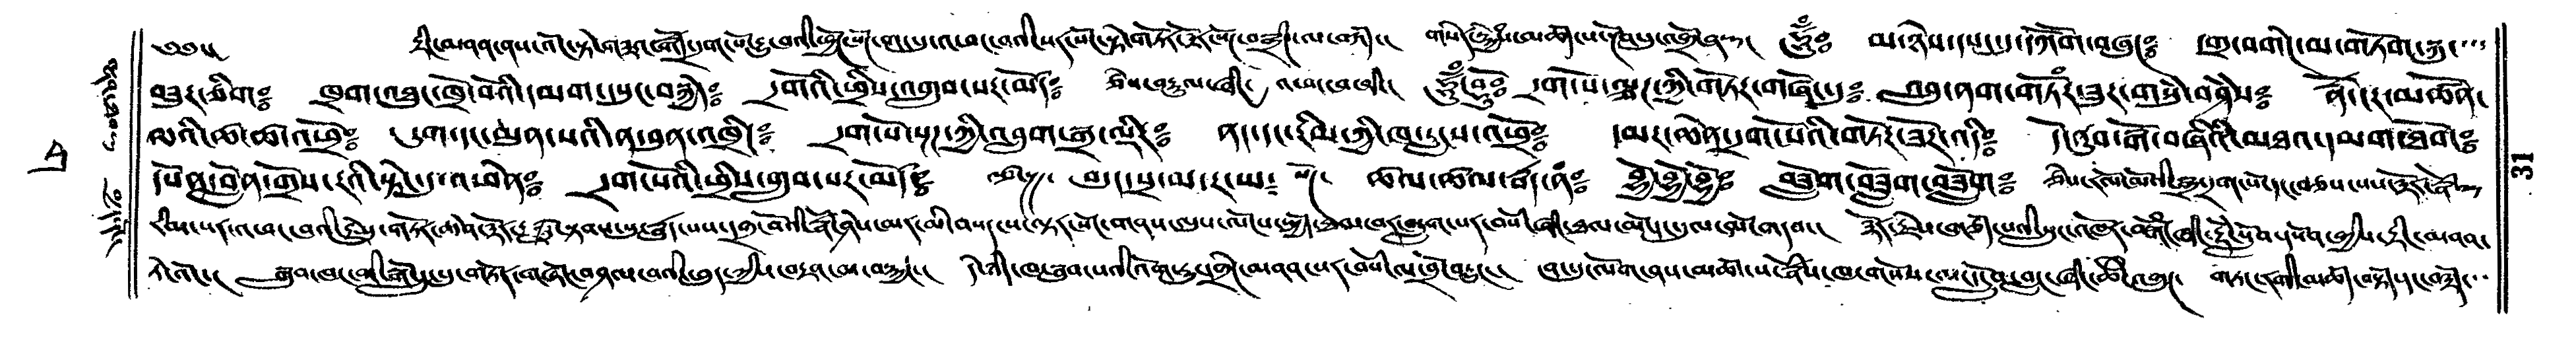རྟིང་མནན་ནས་འོང་སྟེ་གཟའ་རྒོད་དྲག་པོ་རྒྱུ་བའི་ཕྱོགས་སོགས་གང་དུ་འཕང་བའི་སར་སོང་སྟེ་གཏོར་ཟོར་སོགས་བསྒྲིགས་ལ་བཀོད། གསེར་སྐྱེམས་མཆོད་པ་སྔོན་དུ་འགྲོ་ནས། ཧཱུྃ༔ མ་ཉེས་དཔང་དུ་དཀོན་མཆོག་བཞུགས༔ དགྲ་བགེགས་མ་གཏོགས་སྐུ་
བཟུར་ཅིག༔ ཁྲག་འཐུང་ཁྲོ་བོའི་དམག་དཔུང་བསྐྱེད༔ དྲག་པོའི་ཕྲིན་ལས་འགྲུབ་པར་མཛོད༔ ཅེས་བསྐུལ་ཅིང་། འཕང་བ་ནི། ཧཱུྃ་བྷྱོ༔ དྲག་པོ་ལྕགས་ཀྱི་གཏོར་གཞོང་དུ༔ འབྲུ་ནག་གཏོར་མ་ཟུར་གསུམ་བཤམས༔ རྣོ་ངར་མཚོན་
ཆའི་ཚྭ་ཚྭ་འཕྲོ༔དུག་དང་མུན་པའི་ན་བུན་འཁྲིགས༔ དྲག་པོ་སྔགས་ཀྱི་འབྲུག་སྒྲ་ལྡིར༔ ནད་དང་རིམས་ཀྱི་ཁ་རླངས་འཕྲོ༔ དམར་ཆེན་དྲག་པོའི་གཏོར་ཟོར་འདི༔ དོ་ནུབ་སྒོ་བཞིའི་མཐའ་དམག་ཐོག༔ 
དཔོན་བློན་གྲོས་རའི་སྟེང་དུ་འཕེནཿ དྲག་པོའི་ཕྲིན་ལས་འགྲུབ་པར་མཛོད༔ རྩ་སྔགས། བདུད་པྲ་མ་ར་ཡ༴ སོགས། ཚལ་ཚལ་རྦད་ནཾ༔ བྷྱོ་བྷྱོ་བྷྱོ༔ བཟློག་བཟློག་བཟློག༔ ཅེས་རོལ་མོའི་སྒྲ་དྲག་པོ་དང་བཅས་པས་ཟོར་རྣམས་
རིམ་པར་འཕངས་བའི་རྗེས་སུ་གཏོར་ཆེན་འཕང་། དེའི་སྐབས་སུ་རྦུད་པས་དགྲ་བོའི་རྣམ་ཤེས་མར་མེ་བསད་པ་ལྟར་སོང་། གནས་ལུས་ལོངས་སྤྱོད་ཐལ་བར་བརླག་པར་བསམ་ཞིང་ཐལ་མོ་དང་དུལ་མོ་གདབ། ཟོར་རྗེས་གཅོད་པའི་སྲུང་འཁོར་བསྒོམ་ཞིང་རྡོ་རྗེ་སློབ་དཔོན་གྱིས་རྟིང་མནན་
ཏེ་འོང་། སྒྲུབ་ཁང་གི་སྒོ་དྲུང་དུ་གཏོར་གཞོང་བཤལ་བའི་ཕུད་ཀྱིས་བརྟན་མ་བསྐྱང་། དེ་ཉིད་ཁ་སྦུབ་པའི་འོག་ཏུ་དགྲ་བགེགས་མནན་པར་བསམ་ལ་བྲོ་བརྡུང་། ནང་དུ་ལོག་ནས་མཆོད་པ་རྣམས་ཁ་གསོས་ལ་དངོས་གྲུབ་བླང་ཞིང་ཚེ་འཕུགས། གཏང་རག་གི་མཆོད་བསྟོད་དང་བཟོད་